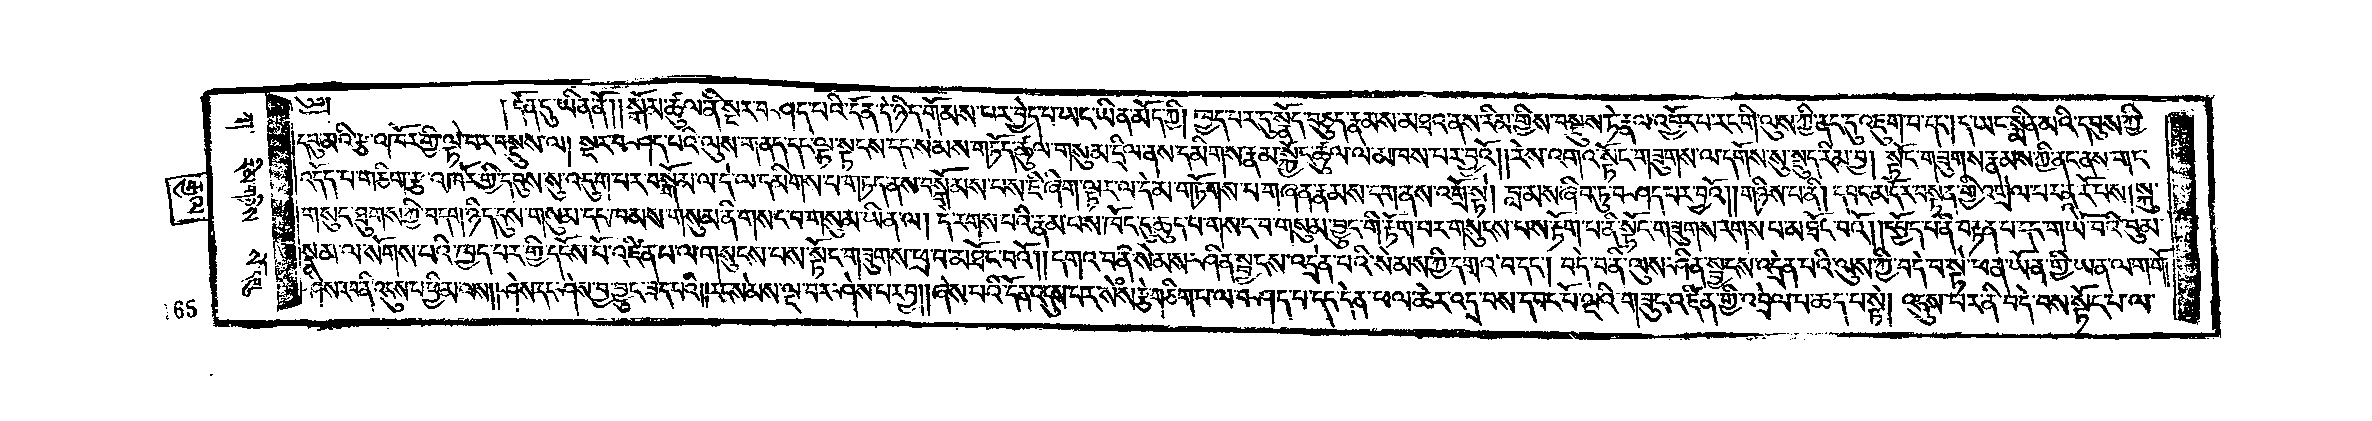༄༅། །དོན་དུ་ཡིན་ནོ། །སྒོམ་ཚུལ་ནི་སྔར་བཤད་པའི་དོན་དེ་ཉིད་གོམས་པར་བྱེད་པ་ཡང་ཡིན་མོད་ཀྱི། ཁྱད་པར་དུ་སྣོད་བཅུད་རྣམས་མཐའ་ནས་རིམ་གྱིས་བསྡུས་ཏེ་རྣལ་འབྱོར་པ་རང་གི་ལུས་ཀྱི་ནང་དུ་འཇུག་པ་དང་། ད་ཡང་སྨིན་མའི་དབུས་ཀྱི་
དབུ་མའི་རྩ་འཁོར་གྱི་ལྟེ་བར་བསྡུས་ལ། སྔར་བཤད་པའི་ལུས་གནད་དང་ལྟ་སྟངས་དང་སེམས་གཏོད་ཚུལ་གསུམ་དྲིལ་ནས་དམིགས་རྣམ་སྐྱོང་ཚུལ་ལ་མཁས་པར་བྱའོ། །རེས་འགའ་སྟོང་གཟུགས་ལ་དགོས་སུ་སྡུད་རིམ་བྱ། སྟོང་གཟུགས་རྣམས་ཀྱི་ནང་ནས་གང་
འདོད་པ་གཅིག་རྩ་འཁོར་གྱི་དབུས་སུ་འདུག་པར་བསྒོམ་ལ་དེ་ལ་དམིགས་པ་གཏད་ནས་བསྒོམས་པས་ཇི་ཞིག་ལྟར་ལ་དེ་མ་གཏོགས་པ་གཞན་རྣམས་དག་ནས་འགྲོ་སྟེ། བླ་མས་ཞིབ་ཏུ་བཤད་པར་བྱའོ། །གཉིས་པ་ནི། དབང་མདོར་བསྟན་གྱི་འགྲེལ་པར་ནཱ་རོ་པས། སྐུ་
གསུང་ཐུགས་ཀྱི་བདག་ཉིད་དུས་གསུམ་དང་ཁམས་གསུམ་ནི་གསང་བ་གསུམ་ཡིན་ལ། དེ་རགས་པའི་རྣམ་པས་ཁོང་དུ་ཆུད་པ་གསང་བ་གསུམ་བྱུང་གི་རྟོག་པར་གསུངས་པས་རྟོག་པ་ནི་སྟོང་གཟུགས་རགས་པ་མཐོང་བའོ། །དཔྱོད་པ་ནི་བརྟན་པ་དང་གཡོ་བའི་བུམ་
སྣམ་ལ་སོགས་པའི་ཁྱད་པར་གྱི་དངོས་པོ་འཛིན་པ་ལ་གསུངས་པས་སྟོང་གཟུགས་ཕྲ་བ་མཐོང་བའོ། །དགའ་བ་ནི་སེམས་ཤིན་སྦྱངས་འདྲེན་པའི་སེམས་ཀྱི་དགའ་བ་དང་། བདེ་བ་ནི་ལུས་ཤིན་སྦྱངས་འདྲེན་པའི་ལུས་ཀྱི་བདེ་བ་སྟེ་ཕན་ཡོན་གྱི་ཡན་ལག་གོ། །
ཤེས་རབ་ནི་འདུས་པ་ཕྱི་མ་ལས། །ཤེས་དང་ཤེས་བྱ་བྱུང་ཟད་པའི། །རང་སེམས་ལྔ་པར་ཤེས་པར་བྱ། །ཞེས་པའི་དོན་འདུས་པར་སེམས་རྩེ་གཅིག་པ་ལ་བཤད་པ་དང་དེན་ཕལ་ཆེར་འདྲ་བས་དབང་པོ་ལྔའི་གཟུང་འཛིན་གྱི་འབྲེལ་པ་ཆད་པ་སྟེ། འདུས་པར་ནི་བདེ་བས་སྟོང་པ་ལ་